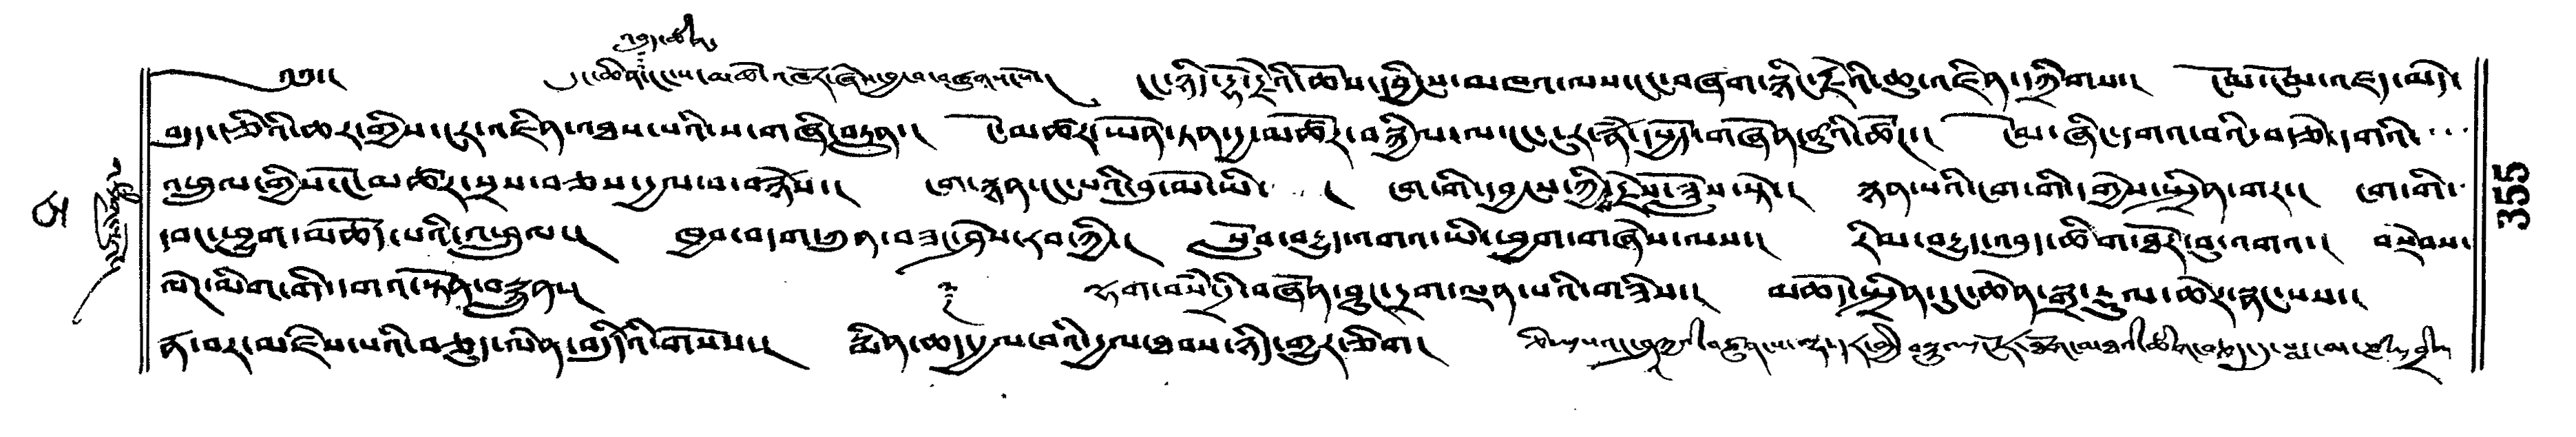༄༅། དུང་ཆེན་འབུད་ཚིག་ངང་པ་མཚོ་འཁོར་ཞེས་བྱ་བ་བཞུགས་སོ། ངང་ཉིད་རྡོ་རྗེའི་ཆོས་དབྱིངས་མཁའ་ལས་ངང་བཞག་སྙིང་རྗེའི་ཆུ་འཛིན་དཀྲིགས། །ངོམས་ངོམས་འཛད་མེད་
བདུད་རྩིའི་ཆར་གྱིས་ངར་འཛིན་འཐས་པའི་ས་གཞི་བརླན། །ངོ་མཚར་ཡོན་ཏན་རྒྱ་མཚོར་བསྐྱིལ་ལ་ངང་ངུར་རྣམ་དཔྱོད་གཞོན་ནུའི་ཚོགས། །ངོམ་ཞིང་དགའ་བའི་བརྩེ་དགའི་
འཕྲུལ་གྱིས་ངོ་མཚར་སྲས་བཅས་རྒྱལ་བ་བརྙེས། །ངག་སྙན་ངང་པའི་བུ་མོ་ཡི། །ངག་གི་དབྱངས་ཀྱིས་རྗེས་ཟློས་སྟེ། །སྙན་པའི་ངག་གིས་དགྱེས་སྤྲིན་གར། །ངག་གི་
དབང་ཕྱུག་མཆོད་པའི་འཕྲུལ། ཁྱབ་བདག་ཀུན་བཟང་ཤེས་རབ་ཀྱི། །སློབ་བརྒྱུད་འགའ་ཡི་ཕྱག་བཞེས་ལས། །རིམ་བརྒྱུད་འབུད་ཚིག་འཐོར་བུ་འགའ། །བསྡེབས་
ལེགས་མིག་གི་དགའ་སྟོན་བསྐྲུན། ༈ ལྷག་བསམ་དྲི་བཞིན་ཤུགས་དྲག་ལྡན་པའི་གཟིས། །མཆོད་སྤྲིན་དུང་ཆེན་སྒྲ་རྡུལ་ཆེར་སྣང་པས། །
རྣ་བར་མཛེས་པའི་བཅུད་ལེན་བདུད་རྩིའི་གསོས། །སྨིན་ཆེད་རྒྱལ་བའི་རྒྱལ་ཐབས་ཉིད་གྱུར་ཅིག ཅེས་པའང་ཤཱཀྱའི་བཙུན་པ་ལྷ་དར་གྱི་བསྐུལ་ངོར་ཐོག་མཐའི་ཚིགས་བཅད་དུ་པདྨ་མ་ཎིས་བྲིས་